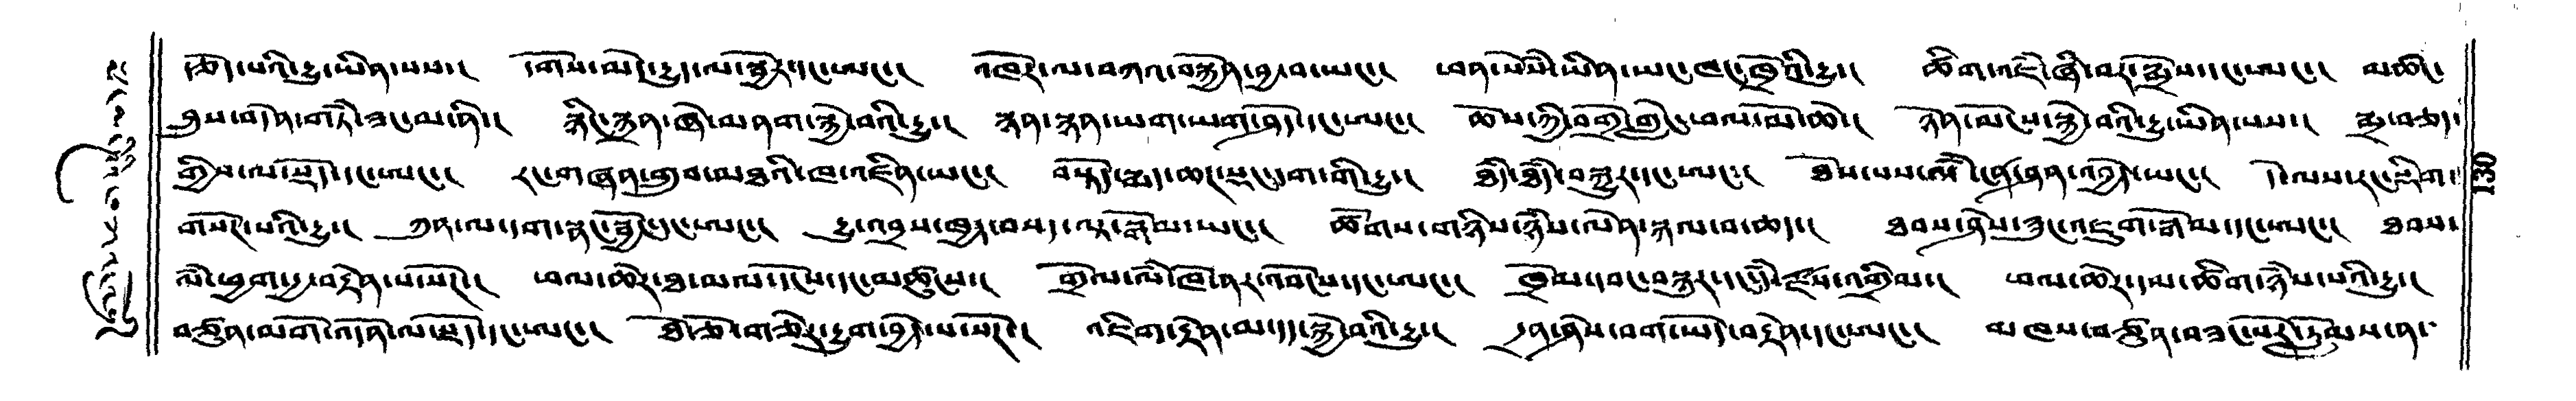རྩོད་པའི་རྒྱུ་ཡིན་པས། །དགོས་མེད་རྒྱུད་ལ་སྦྱོར་དང་ཨང་། །འཁོར་ལ་བཀའ་བཀྱོན་བྱ་བ་ཡང་། །ཕན་སེམས་ཡིན་ཡང་ཁོང་ཁྲོའི་རྒྱུ། །ཚིག་འཇམ་ཞི་བར་སྨྲོས་དང་ཨང་། །མཚང་
བྲུས་བདེན་གཏམ་བཟང་མ་ནི། །སྙིང་སྐྲན་ཞེ་མནག་སྐྱེ་བའི་རྒྱུ། །སྙན་སྙན་ཡག་ཡག་ཤོད་དང་ཨང་། །ཆོས་ཀྱི་བགྲོ་གླེང་ཕལ་མོ་ཆེ། །ཉོན་མོངས་སྐྱེ་བའི་རྒྱུ་ཡིན་པས། །སྨྲ་བཅད་
གྱིས་ལ་སྡོད་དང་ཨང་། །རང་གཞན་གྲུབ་མཐའི་ཁ་འཛིན་ཡང་། བསྟོད་སྨད་ཆགས་སྡང་དག་གི་རྒྱུ། །ཐམས་ཅད་ཐམས་ཅད་སྐྱུར་དང་ཨང་། །ཐོས་པས་བཟང་ངན་ཤན་འབྱེད་ཡང་། །དེ་ལས་རང་སྡིག་
གསོག་པའི་རྒྱུ། །ཀུན་ལ་དག་སྣང་སྦྱོངས་དང་ཨང་། །རྒྱུ་འབྲས་ཁྱད་གསོད་ལྟ་སྒོམ་ཡང་། །ཚོགས་གཉིས་ཉམས་ལེན་སྐལ་བ་ཆད། །ཐབས་ཤེས་ཟུང་འཇུག་སྒོམ་དང་ཨང་། །ཐབས་
ལམ་ཕྱག་རྒྱ་བསྟེན་པ་སོགས། །ཕལ་ཆེར་ཐ་མལ་དངོས་དང་མཚུངས། །གྲོལ་ལམ་ཁོ་ནར་འབུངས་དང་ཨང་།ཁྲོམ་དབང་སྐུར་དང་དམ་རྫས་འགྲིམ། །ཕལ་ཆེར་དམ་ཚིག་ཉམས་པའི་རྒྱུ། །
བཙུན་མགོ་ཐོན་ལ་སྡོད་དང་ཨང་། །ཐོ་ཅོ་གཅེར་རྒྱུག་བྱེད་པ་སོགས། །འཇིག་རྟེན་མ་དད་སྐྱེ་བའི་རྒྱུ། །དྲན་ཤེས་བག་ཡོད་བསྟེན་དང་ཨང་། །མཁས་བཙུན་བཟང་པོར་རློམ་ན་